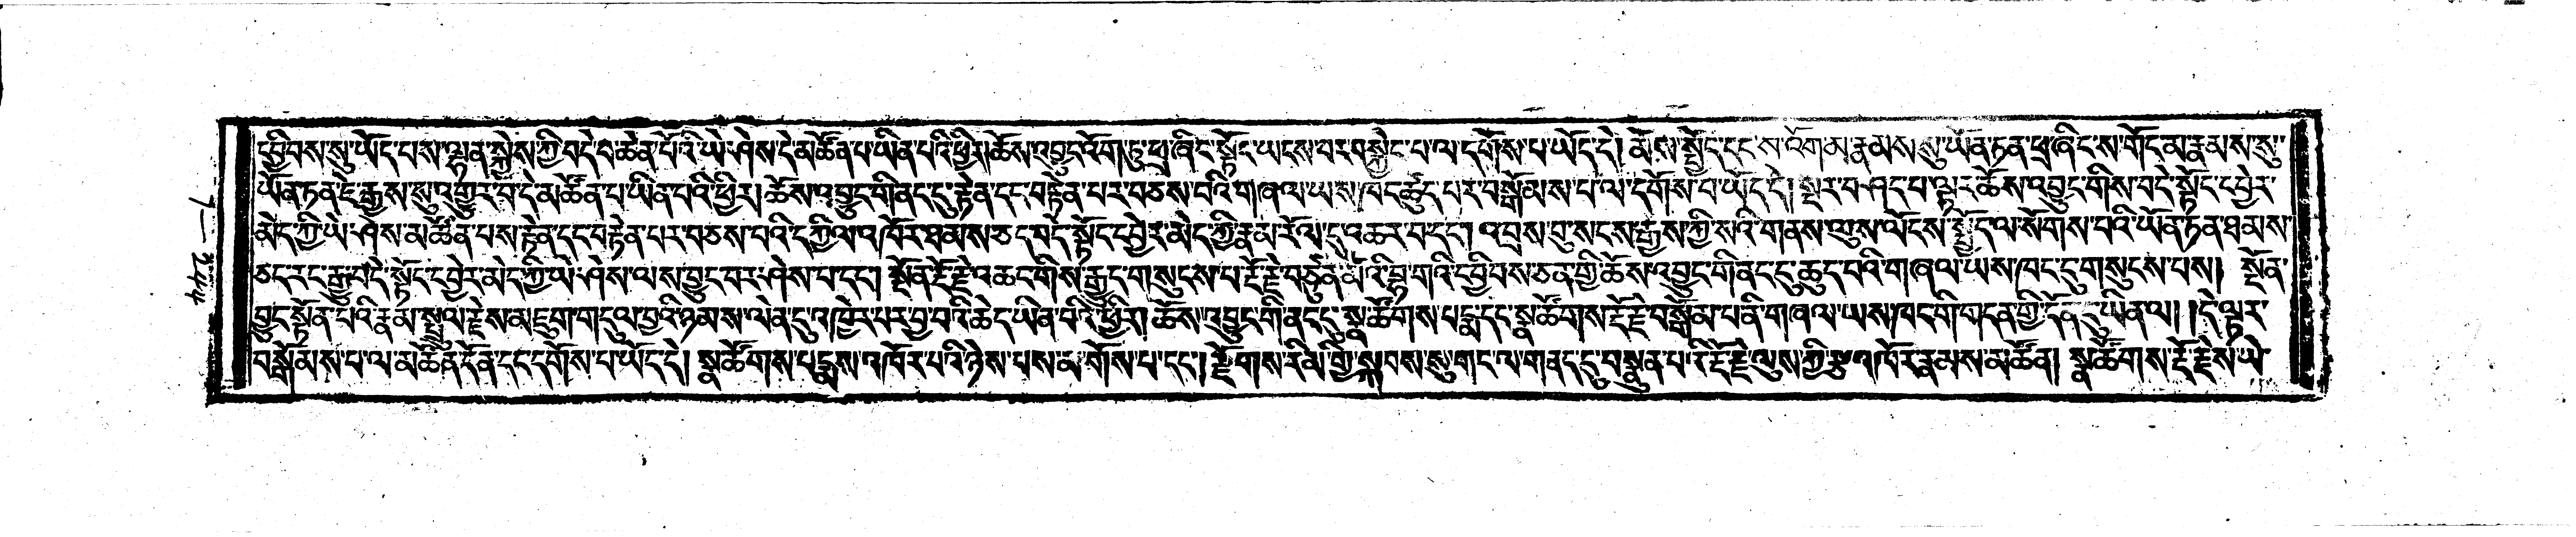དབྱིབས་སུ་ཡོད་པས་ལྷན་སྐྱེས་ཀྱི་བདེ་བ་ཆེན་པོའི་ཡེ་ཤེས་དེ་མཚོན་པ་ཡིན་པའི་ཕྱིར། ཆོས་འབྱུང་འོག་ཏུ་ཕྲ་ཞིང་སྟོང་ཡངས་བར་བསྐྱེད་པ་ལ་དགོས་པ་ཡོད་དེ། མོས་སྤྱོད་དང་ས་འོག་མ་རྣམས་སུ་ཡོན་ཏན་ཕྲ་ཞིང་ས་གོང་མ་རྣམས་སུ་
ཡོན་ཏན་ཇེ་རྒྱས་སུ་འགྱུར་བ་དེ་མཚོན་པ་ཡིན་པའི་ཕྱིར། ཆོས་འབྱུང་གི་ནང་དུ་རྟེན་དང་བརྟེན་པར་བཅས་པའི་གཞལ་ཡས་ཁང་ཚུད་པར་བསྒོམས་པ་ལ་དགོས་པ་ཡོད་དེ། སྔར་བཤད་པ་ལྟར་ཆོས་འབྱུང་གིས་བདེ་སྟོང་དབྱེར་
མེད་ཀྱི་ཡེ་ཤེས་མཚོན་པས་རྟེན་དང་བརྟེན་པར་བཅས་པའི་དཀྱིལ་འཁོར་ཐམས་ཅད་བདེ་སྟོང་དབྱེར་མེད་ཀྱི་རྣམ་རོལ་དུ་འཆར་བ་དང་། འབྲས་བུ་སངས་རྒྱས་ཀྱི་སའི་གནས་ལུས་ལོངས་སྤྱོད་ལ་སོགས་པའི་ཡོན་ཏན་ཐམས་
ཅད་རང་རྒྱུ་བདེ་སྟོང་དབྱེར་མེད་ཀྱི་ཡེ་ཤེས་ལས་བྱུང་བར་ཤེས་པ་དང་། སྔོན་རྡོ་རྗེ་འཆང་གིས་རྒྱུད་གསུངས་པ་རྡོ་རྗེ་བཙུན་མོའི་བྷ་གའི་དབྱིབས་ཅན་གྱི་ཆོས་འབྱུང་གི་ནང་དུ་ཆུད་པའི་གཞལ་ཡས་ཁང་དུ་གསུངས་བས། སྔོན་
བྱུང་སྟོན་པའི་རྣམ་སྤྲུལ་རྗེས་མཇུག་གདུལ་བྱའི་ཉམས་ལེན་དུ་འཁྱེར་བར་བྱ་བའི་ཆེད་ཡིན་པའི་ཕྱིར། ཆོས་འབྱུང་གི་ནང་དུ་སྣ་ཚོགས་པདམ་དང་སྣ་ཚོགས་རྡོ་རྗེ་བསྒོམ་པ་ནི་གཞལ་ཡས་ཁང་གི་གདན་གྱི་དོན་དུ་ཡིན་ལ། །དེ་ལྟར་
བསྒོམས་པ་ལ་མཚོན་དོན་དང་དགོས་པ་ཡོད་དེ། སྣ་ཚོགས་པདམས་འཁོར་བའི་ཉེས་པས་མ་གོས་པ་དང་། རྫོགས་རིམ་གྱི་སྐབས་སུ་གང་ལ་གནད་དུ་བསྣུན་པའི་རྡོ་རྗེ་ལུས་ཀྱི་རྩ་འཁོར་རྣམས་མཚོན། སྣ་ཚོགས་རྡོ་རྗེས་ཡེ་